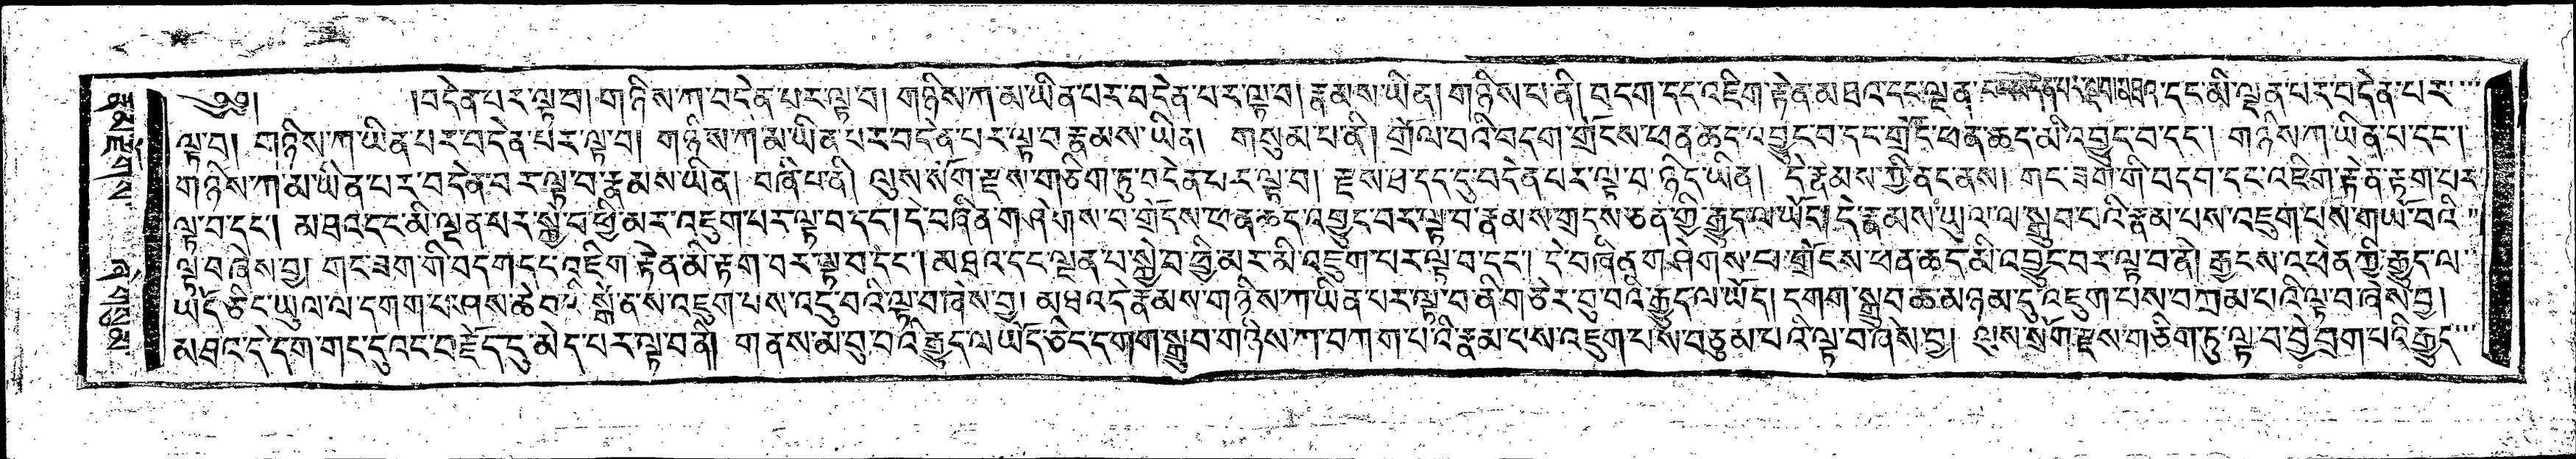༄༅། །བདེན་པར་ལྟ་བ། གཉིས་ཀ་བདེན་པར་ལྟ་བ། གཉིས་ཀ་མ་ཡིན་པར་བདེན་པར་ལྟ་བ། རྣམས་ཡིན། གཉིས་པ་ནི། བདག་དང་འཇིག་རྟེན་མཐའ་དང་ལྡན་པར་བདེན་པར་ལྟ་བ་མཐའ་དང་མི་ལྡན་པར་བདེན་པར་
ལྟ་བ། གཉིས་ཀ་ཡིན་པར་བདེན་པར་ལྟ་བ། གཉིས་ཀ་མ་ཡིན་པར་བདེན་པར་ལྟ་བ་རྣམས་ཡིན། གསུམ་པ་ནི། གྲོལ་བའི་བདག་གྲོངས་ཕན་ཆད་འབྱུང་བ་དང་གྲོང་ཕན་ཆད་མི་འབྱུང་བ་དང་། གཉིས་ཀ་ཡིན་པ་དང་།
གཉིས་ཀ་མ་ཡིན་པར་བདེན་པར་ལྟ་བ་རྣམས་ཡིན། བཞི་པ་ནི། ལུས་སྲོག་རྫས་གཅིག་ཏུ་བདེན་པར་ལྟ་བ། རྫས་ཐ་དད་དུ་བདེན་པར་ལྟ་བ་ཉིད་ཡིན། དེ་རྣམས་ཀྱི་ནང་ནས། གང་ཟག་གི་བདག་དང་འཇིག་རྟེན་རྟག་པར་
ལྟ་བ་དང་། མཐའ་དང་མི་ལྡན་པར་སྐྱེ་བ་ཕྱི་མར་འཇུག་པར་ལྟ་བ་དང་། དེ་བཞིན་གཤེགས་པ་གྲོངས་ཕན་ཆད་འབྱུང་བར་ལྟ་བ་རྣམས་གྲངས་ཅན་གྱི་རྒྱུད་ལ་ཡོད། དེ་རྣམས་ཡུལ་ལ་སྒྲུབ་པའི་རྣམ་པས་འཇུག་པས་གཡོ་བའི་
ལྟ་བ་ཞེས་བྱ། གང་ཟག་གི་བདག་དང་འཇིག་རྟེན་མི་རྟག་པར་ལྟ་བ་དང་། མཐའ་དང་ལྡན་པ་སྐྱེ་བ་ཕྱི་མར་མི་འཇུག་པར་ལྟ་བ་དང་། དེ་བཞིན་གཤེགས་པ་གྲོངས་ཕན་ཆད་མི་འབྱུང་བར་ལྟ་བ་ནི། རྒྱངས་འཕེན་གྱི་རྒྱུད་ལ་
ཡོད་ཅིང་ཡུལ་ལ་དགག་པ་ཤས་ཆེ་བའི་སྒོ་ནས་འཇུག་པས་འདུ་བའི་ལྟ་བ་ཞེས་བྱ། མཐའ་དེ་རྣམས་གཉིས་ཀ་ཡིན་པར་ལྟ་བ་ནི་གཅེར་བུ་བའི་རྒྱུད་ལ་ཡོད། དགག་སྒྲུབ་ཆ་མཉམ་དུ་འཇུག་པས་བཀྲམ་པའི་ལྟ་བ་ཞེས་བྱ།
མཐའ་དེ་དག་གང་དུའང་བརྗོད་དུ་མེད་པར་ལྟ་བ་ནི། གནས་མ་བུ་བའི་རྒྱུད་ལ་ཡོད་ཅིང་དགག་སྒྲུབ་གཉིས་ཀ་བཀག་པའི་རྣམ་པས་འཇུག་པས་བཅུམ་པའི་ལྟ་བ་ཞེས་བྱ། ལུས་སྲོག་རྫས་གཅིག་ཏུ་ལྟ་བ་བྱེ་བྲག་པའི་རྒྱུད་